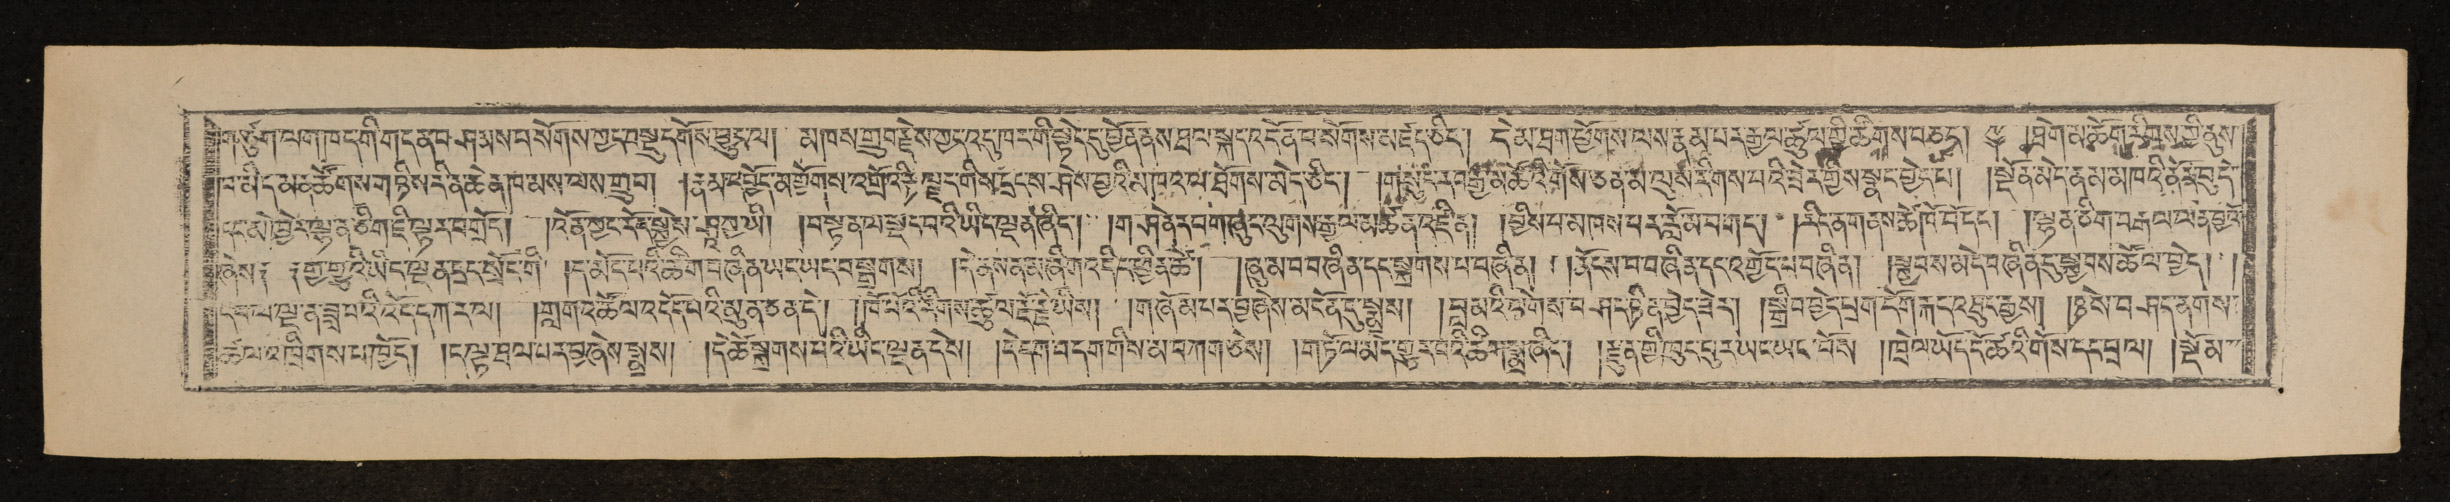གཙུག་ལག་ཁང་གི་གདན་བཤམས་པ་སོགས་ཀྱང་བསྡུ་དགོས་བྱུང་ལ། མཁས་གྲུབ་རྗེས་ཀྱང་འདུ་ཁང་གི་སྟེང་དུ་བྱོན་ནས་ཐལ་སྐད་འདོན་པ་སོགས་མཛད་ཅིང་། དེ་མ་ཐག་ཕྱོགས་ལས་རྣམ་པར་རྒྱལ་ཚུལ་གྱི་ཚིགས་བཅད། ༈ །ཐེག་མཆོག་རིགས་ཀྱི་ནུས་
པ་མི་དམན་ཚོགས་གཉིས་རིན་ཆེན་ཁམས་ལས་གྲུབ། །རྣམ་དཔྱོད་མགྱོགས་འགྲོའི་རྟ་ལྗང་གིས་དྲངས་ཤེས་བྱའི་མཁའ་ལ་ཐོགས་མེད་ཅིང་། །གསུང་རབ་རྒྱ་མཚོའི་གོས་ཅན་མ་ལུས་རིགས་པའི་ཟེར་གྱིས་སྣང་བྱེད་པ། །སྔོན་མེད་ནམ་མཁའི་ནོར་བུ་དེ་
དང་མེ་ཁྱེར་ལྷན་ཅིག་ཇི་ལྟར་བགྲོང་། །འོན་ཀྱང་རོང་སྐྱེས་ཤཱཀྱ་ཡི། །བསྟན་ལ་སྡང་བའི་ཡིད་ལྡན་ཞིང་། །གཤེན་རབ་གཞུང་ལུགས་རྒྱལ་མཚན་འཛིན། །བྱིས་པ་མཁས་པར་རློམ་པ་གང་། །རིང་ན་གནས་ཚེ་ཁོ་བོ་དང་། །ལྷན་ཅིག་བརྒལ་ལན་བྱའོ་
ཞེས། ༑གྱ་གྱུའི་ཡིད་ལྡན་དྲང་སྲོང་གི །དམོད་པའི་ཚིག་བཞིན་ཡང་ཡང་བསྒྲགས། །དེ་ནས་ནམ་ཞིག་འདིར་ཕྱིན་ཚེ། །ཞུམ་པ་བཞིན་དང་སྐྲགས་པ་བཞིན། །ནོངས་པ་བཞིན་དང་འགྱོད་པ་བཞིན། །སྐྱབས་མེད་བཞིན་དུ་སྐྱབས་ཚོལ་བྱེད། །
དཔལ་ལྡན་ཟླ་བའི་འོད་དཀར་ལ། །གླག་འཚོལ་འདོད་པའི་མུན་ཅན་དེ། །ཁོ་བོའི་རིགས་ཚུལ་རྡོ་རྗེ་ཡིས། །གཞོམ་པར་བྱ་ཞེས་མངོན་དུ་སྨྲས། །བླ་མའི་ལེགས་བཤད་ཉིན་བྱེད་ཟེར། །སྒྲིབ་བྱེད་ཕྲག་དོག་རྐང་འཐུང་རྒྱས། །ཉེས་བཤད་ནགས་
ཚལ་འཁྲིགས་པ་ཁྱོད། །ད་ལྟ་ཐལ་བར་བྱ་ཞེས་སྨྲས། །དེ་ཚེ་སྐྲགས་པའི་ཡིད་ལྡན་དེས། །དེ་དག་བདག་གིས་མ་བཀག་ཅེས། །གཏོལ་མེད་གྱུར་བའི་ཚིག་སྨྲ་ཞིང་། །རྫུན་གྱི་ཁུང་བུར་ཡང་ཡང་བྲོས། །ཁྲེལ་ཡོད་ངོ་ཚའི་གོས་དང་བྲལ། །སྡོམ་